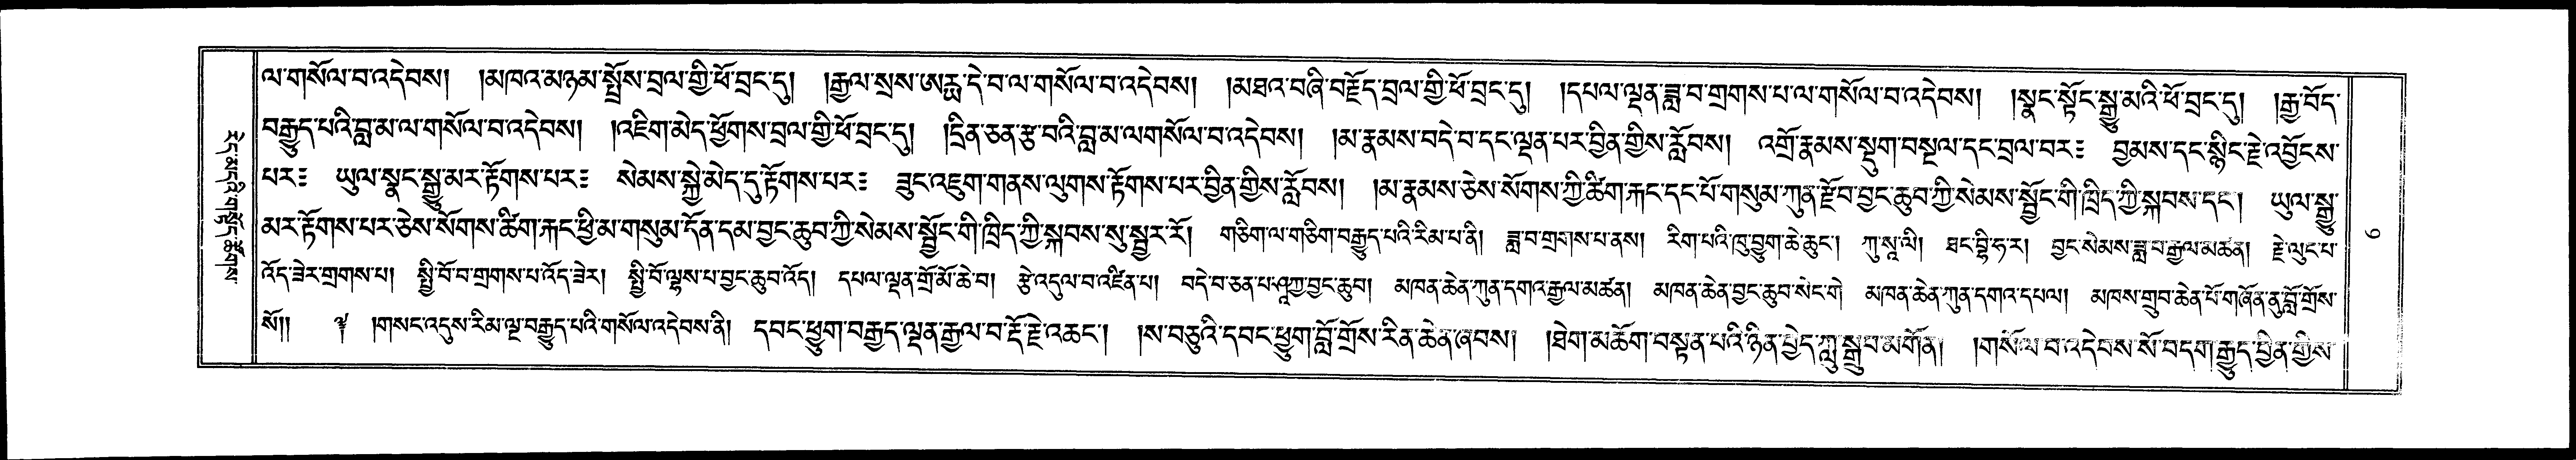ལ་གསོལ་བ་འདེབས། །མཁའ་མཉམ་སྤྲོས་བྲལ་གྱི་ཕོ་བྲང་དུ། །རྒྱལ་སྲས་ཨརྱ་དེ་བ་ལ་གསོལ་བ་འདེབས། །མཐའ་བཞི་བརྗོད་བྲལ་གྱི་ཕོ་བྲང་དུ། །དཔལ་ལྡན་ཟླ་བ་གྲགས་པ་ལ་གསོལ་བ་འདེབས། །སྣང་སྟོང་སྒྱུ་མའི་ཕོ་བྲང་དུ། །རྒྱ་བོད་
བརྒྱུད་པའི་བླ་མ་ལ་གསོལ་བ་འདེབས། །འཇིག་མེད་ཕྱོགས་བྲལ་གྱི་ཕོ་བྲང་དུ། །དྲིན་ཅན་རྩ་བའི་བླ་མ་ལ་གསོལ་བ་འདེབས། །མ་རྣམས་བདེ་བ་དང་ལྡན་པར་བྱིན་གྱིས་རློབས། འགྲོ་རྣམས་སྡུག་བསྔལ་དང་བྲལ་བར་བྱམས་དང་སྙིང་རྗེ་འབྱོངས་
པར་ཡུལ་སྣང་སྒྱུ་མར་རྟོགས་པར་སེམས་སྐྱེ་མེད་དུ་རྟོགས་པར་ཟུང་འཇུག་གནས་ལུགས་རྟོགས་པར་བྱིན་གྱིས་རློབས། །མ་རྣམས་ཅེས་སོགས་ཀྱི་ཚིག་རྐང་དང་པོ་གསུམ་ཀུན་རྫོབ་བྱང་ཆུབ་ཀྱི་སེམས་སྦྱོང་གི་ཁྲིད་ཀྱི་སྐབས་དང་། ཡུལ་སྒྱུ་
མར་རྟོགས་པར་ཅེས་སོགས་ཚིག་རྐང་ཕྱི་མ་གསུམ་དོན་དམ་བྱང་ཆུབ་ཀྱི་སེམས་སྦྱོང་གི་ཁྲིད་ཀྱི་སྐབས་སུ་སྦྱར་རོ། གཅིག་ལ་གཅིག་བརྒྱུད་པའི་རིམ་པ་ནི། ཟླ་བ་གྲགས་པ་ནས། རིག་པའི་ཁུ་བྱུག་ཆེ་ཆུང་། ཀུ་སཱ་ལི། ཐང་བྷི་ཧ་ར། བྱང་སེམས་ཟླ་བ་རྒྱལ་མཚན། རྗེ་ལུང་པ་
འོད་ཟེར་གྲགས་པ། སྤྱི་བོ་བ་གྲགས་པ་འོད་ཟེར། སྤྱི་བོ་ལྷས་པ་བྱང་ཆུབ་འོད། དཔལ་ལྡན་གྲོ་མོ་ཆེ་བ། རྩེ་འདུལ་བ་འཛིན་པ། བདེ་བ་ཅན་པ་ཤཱཀྱ་བྱང་ཆུབ། མཁན་ཆེན་ཀུན་དགའ་རྒྱལ་མཚན། མཁན་ཆེན་བྱང་ཆུབ་སེང་གེ །མཁན་ཆེན་ཀུན་དགའ་དཔལ། མཁས་གྲུབ་ཆེན་པོ་གཞོན་ནུ་བློ་གྲོས་
སོ།། ༈ །གསང་འདུས་རིམ་ལྔ་བརྒྱུད་པའི་གསོལ་འདེབས་ནི། དབང་ཕྱུག་བརྒྱད་ལྡན་རྒྱལ་བ་རྡོ་རྗེ་འཆང་། །ས་བཅུའི་དབང་ཕྱུག་བློ་གྲོས་རིན་ཆེན་ཞབས། །ཐེག་མཆོག་བསྟན་པའི་ཉིན་བྱེད་ཀླུ་སྒྲུབ་མགོན། །གསོལ་བ་འདེབས་སོ་བདག་རྒྱུད་བྱིན་གྱིས་